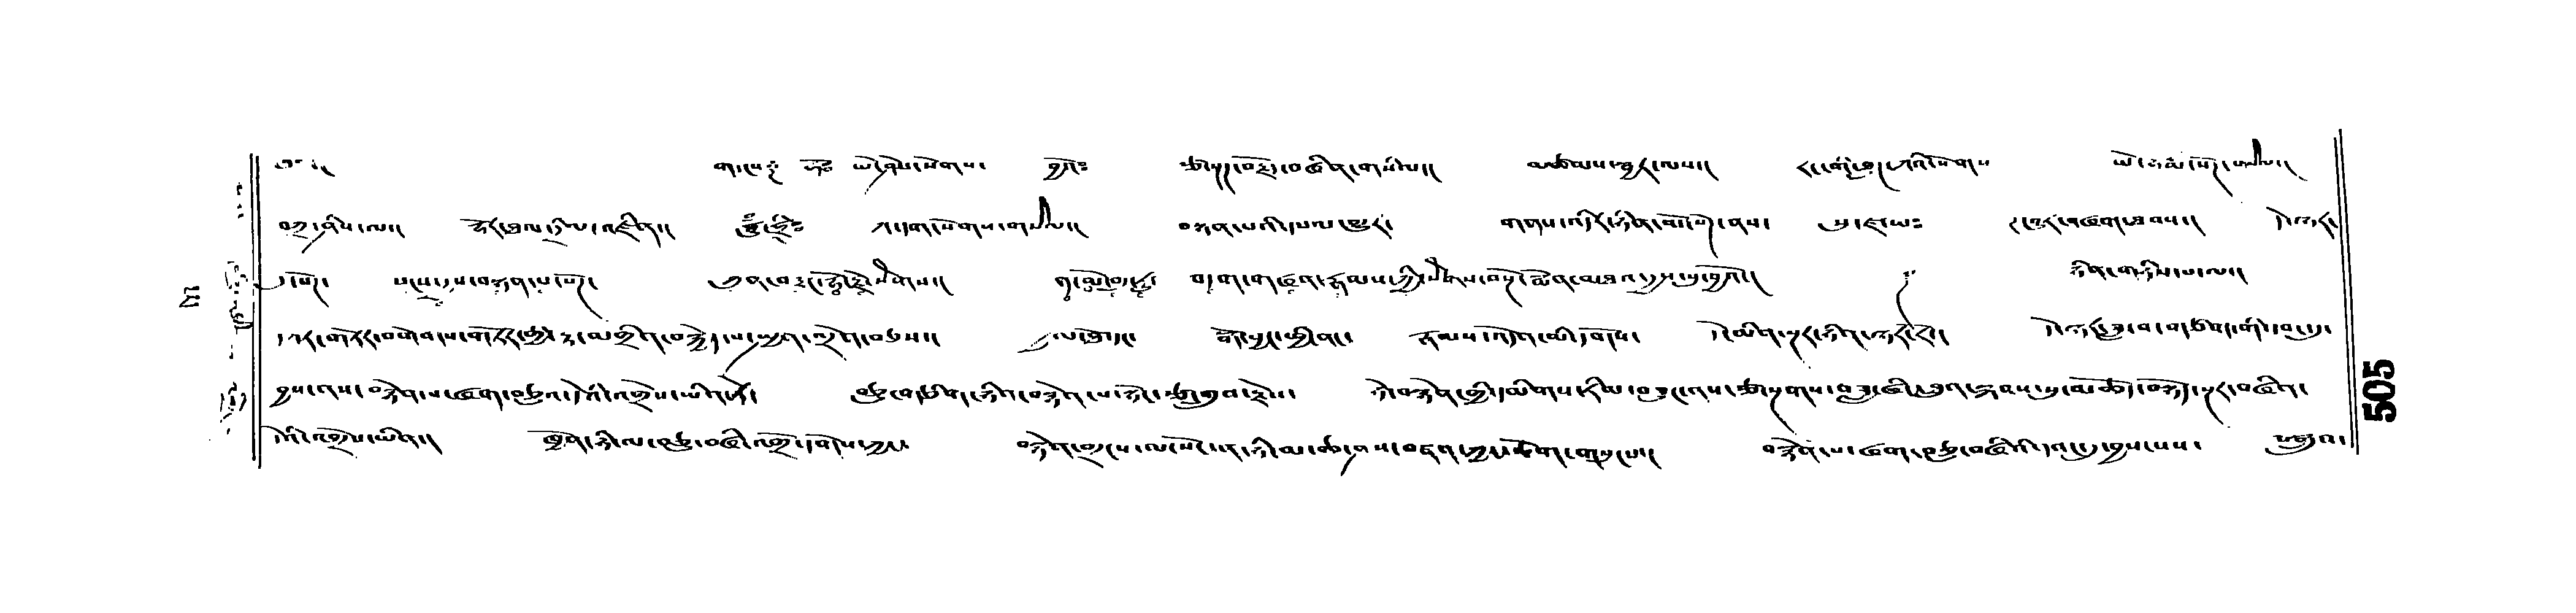གདངས། ཧོཿ ཡེ་ཤེས་སོགས། བྱའོ༔ རྩ་སྔགས་བརྗོད་བཞིན་གསིལ། མཚམས་སྦྱར་ལས། རང་གི་ཐུགས་ཀའི་སོགས། ཡེ་དྷརྨ་སོགས་བསིལ། 
བཀྲ་ཤིས་ལ། རྡོར་ཐལ་དྲིལ་འཛིན། ཧཱུྃ་ཧྲཱིཿ ཀ་དག་སོགས་གསིལ། བསྟན་པའི་དཔལ་གྱུར༴གནས་འདིར་ཉིན་མོ་སོགས་ནས། སུ་ཛ་ཡ༔ ཌཱ་འུར་བཞག་ཐབས། དེ་ལྟར་
དུ་སོགས། སངས་རྒྱས་བསྟན་པ་སོགས། ཀུན་བཟང་རྡོ་རྗེ་སོགས། ན་མོ་གུ་རུ། བདག་གཞན་རྣམས་ཀྱི་སོགས་བསྔོ་སྨོན་མཐའ་རྒྱས་སུ་བྱའོ། ༈ ཉིན་གཉིས་པ་ལ། 
དཀར་གཏོར་བགེགས་གཏོར་གྱི་རྟ་མགྲིན་བསྐྱེད་པ་སྤྱན་འདྲེན་བཅས། རྒྱལ་ཐོ་དང་། སྒོ་བྱང་ཕྱི་ནང་རྣམས་འདོན་མི་དགོས། དེ་མིན་སྔར་ཉིན་ལྟར་རོ། དེ་ལྟར་ཟླ་བ་གཅིག་གི་དབང་དུ་
བྱས་ནས་བསྙེན་པ་ཞག་བཅུའ་མ་དེའི་འགྲོས་ཡིན་ཏེ། བཅུ་གཅིག་ཉིན་བསྙེན་པ་སྟོང་རྩ་གྲུབ་རྗེས། ཉེ་བསྙེན་གྱི་དམིགས་རིམ་བཟུང་ནས་རྩ་སྔགས་བཟླ་ཞིང་ཐུན་སྐབས་སུ་མཆོད་བསྟོད་སྔར་བཞིན་
དེའི་འགྲེས་ཡིན། ཁྱོན་ཉི་མ་བཅུ་བཞི་འགྲོ་དགོས་ཀྱང་། བསྙེན་གྲངས་མ་སོང་ན་ཉི་མ་ཆ་ཤས་བསྣན་ཀྱང་ཆོག་གསུངས། བསྙེན་པ་ཞག་བཅུ་བཞིའི་དབང་དུ་བྱས་པས། བསྒྲུབ་